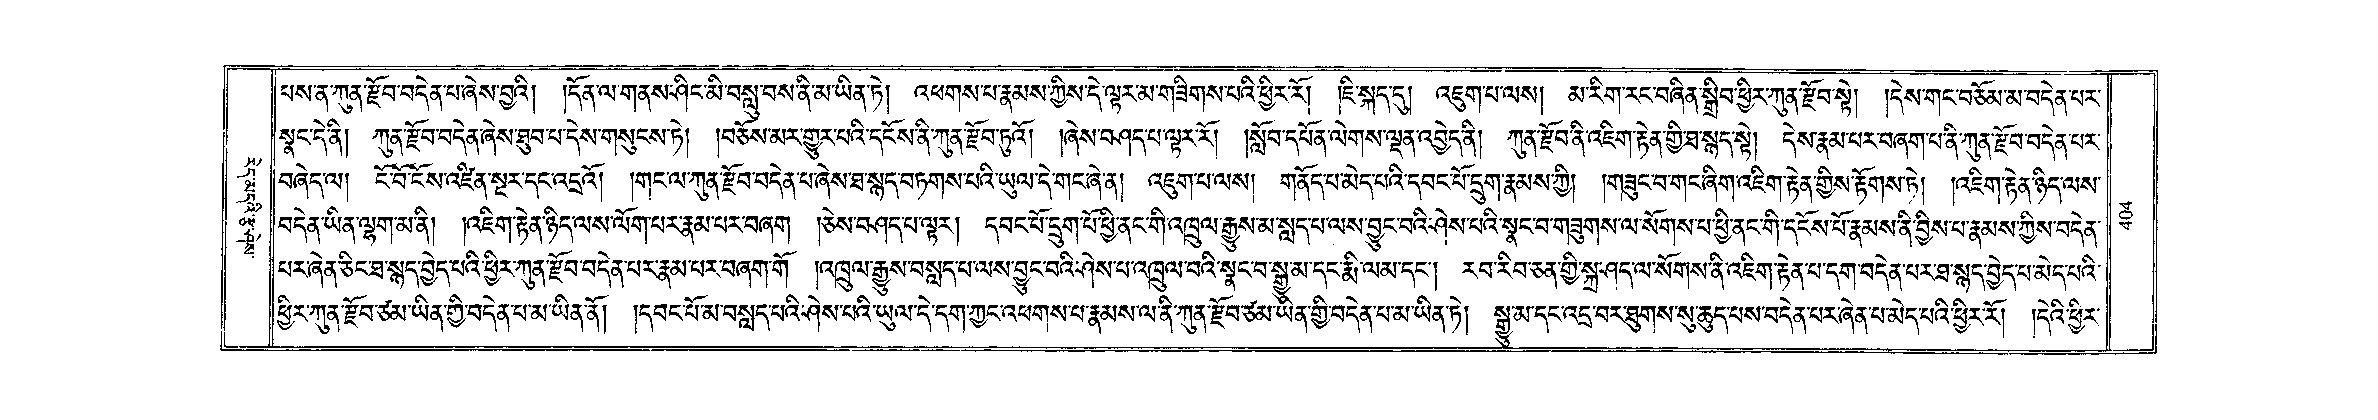པས་ན་ཀུན་རྫོབ་བདེན་པ་ཞེས་བྱའི། །དོན་ལ་གནས་ཤིང་མི་བསླུ་བས་ནི་མ་ཡིན་ཏེ། འཕགས་པ་རྣམས་ཀྱིས་དེ་ལྟར་མ་གཟིགས་པའི་ཕྱིར་རོ། །ཇི་སྐད་དུ། འཇུག་པ་ལས། མ་རིག་རང་བཞིན་སྒྲིབ་ཕྱིར་ཀུན་རྫོབ་སྟེ། །དེས་གང་བཅོམ་མ་བདེན་པར་
སྣང་དེ་ནི། ཀུན་རྫོབ་བདེན་ཞེས་ཐུབ་པ་དེས་གསུངས་ཏེ། །བཅོས་མར་གྱུར་པའི་དངོས་ནི་ཀུན་རྫོབ་ཏུའོ། །ཞེས་བཤད་པ་ལྟར་རོ། །སློབ་དཔོན་ལེགས་ལྡན་འབྱེད་ནི། ཀུན་རྫོབ་ནི་འཇིག་རྟེན་གྱི་ཐ་སྙད་སྟེ། དེས་རྣམ་པར་བཞག་པ་ནི་ཀུན་རྫོབ་བདེན་པར་
བཞེད་ལ། ངོ་བོ་ངོས་འཛིན་སྔར་དང་འདྲའོ། །གང་ལ་ཀུན་རྫོབ་བདེན་པ་ཞེས་ཐ་སྙད་བཏགས་པའི་ཡུལ་དེ་གང་ཞེ་ན། འཇུག་པ་ལས། གནོད་པ་མེད་པའི་དབང་པོ་དྲུག་རྣམས་ཀྱི། །གཟུང་བ་གང་ཞིག་འཇིག་རྟེན་གྱིས་རྟོགས་ཏེ། །འཇིག་རྟེན་ཉིད་ལས་
བདེན་ཡིན་ལྷག་མ་ནི། །འཇིག་རྟེན་ཉིད་ལས་ལོག་པར་རྣམ་པར་བཞག །ཅེས་བཤད་པ་ལྟར། དབང་པོ་དྲུག་པོ་ཕྱི་ནང་གི་འཁྲུལ་རྒྱུས་མ་སླད་པ་ལས་བྱུང་བའི་ཤེས་པའི་སྣང་བ་གཟུགས་ལ་སོགས་པ་ཕྱི་ནང་གི་དངོས་པོ་རྣམས་ནི་བྱིས་པ་རྣམས་ཀྱིས་བདེན་
པར་ཞེན་ཅིང་ཐ་སྙད་བྱེད་པའི་ཕྱིར་ཀུན་རྫོབ་བདེན་པར་རྣམ་པར་བཞག་གོ །འཁྲུལ་རྒྱུས་བསླད་པ་ལས་བྱུང་བའི་ཤེས་པ་འཁྲུལ་བའི་སྣང་བ་སྒྱུ་མ་དང་རྨི་ལམ་དང་། རབ་རིབ་ཅན་གྱི་སྐྲ་ཤད་ལ་སོགས་ནི་འཇིག་རྟེན་པ་དག་བདེན་པར་ཐ་སྙད་བྱེད་པ་མེད་པའི་
ཕྱིར་ཀུན་རྫོབ་ཙམ་ཡིན་གྱི་བདེན་པ་མ་ཡིན་ནོ། །དབང་པོ་མ་བསླད་པའི་ཤེས་པའི་ཡུལ་དེ་དག་ཀྱང་འཕགས་པ་རྣམས་ལ་ནི་ཀུན་རྫོབ་ཙམ་ཡིན་གྱི་བདེན་པ་མ་ཡིན་ཏེ། སྒྱུ་མ་དང་འདྲ་བར་ཐུགས་སུ་ཆུད་པས་བདེན་པར་ཞེན་པ་མེད་པའི་ཕྱིར་རོ། །དེའི་ཕྱིར་